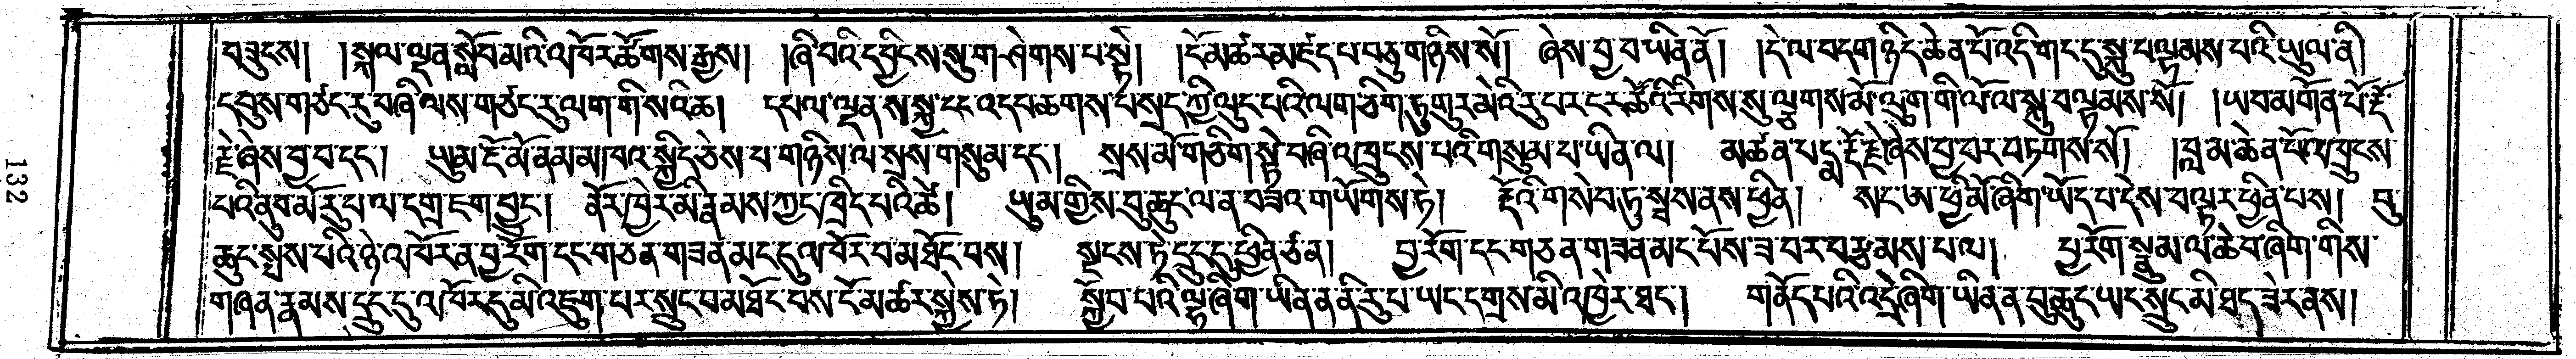བཟུངས། །སྐལ་ལྡན་སློབ་མའི་འཁོར་ཚོགས་རྒྱས། །ཞི་བའི་དབྱིངས་སུ་གཤེགས་པ་སྟེ། །ངོ་མཚར་མཛད་པ་བཅུ་གཉིས་སོ། ཞེས་བྱ་བ་ཡིན་ནོ། །དེ་ལ་བདག་ཉིད་ཆེན་པོ་འདི་གང་དུ་སྐུ་བལྟམས་པའི་ཡུལ་ནི།
དབུས་གཙང་རུ་བཞི་ལས་གཙང་རུ་ལག་གི་སའི་ཆ། དཔལ་ལྡན་ས་སྐྱ་དང་འདབ་ཆགས་བ་སྲད་ཀྱི་ལུང་པའི་ལག་ཅིག་ཏུ་གུར་མེའི་རུ་པར་ངར་ཚོའི་རིགས་སུ་ལྕགས་མོ་ལུག་གི་ལོ་ལ་སྐུ་བལྟམས་སོ། །ཡབ་མགོན་པོ་རྡོ་
རྗེ་ཞེས་བྱ་བ་དང་། ཡུམ་ཇོ་མོ་ནམ་མཁའ་སྐྱིད་ཅེས་པ་གཉིས་ལ་སྲས་གསུམ་དང་། སྲས་མོ་གཅིག་སྟེ་བཞི་འཁྲུངས་པའི་གསུམ་པ་ཡིན་ལ། མཚན་པདམ་རྡོ་རྗེ་ཞེས་བྱ་བར་བཏགས་སོ། །བླ་མ་ཆེན་པོ་འཁྲུངས་
པའི་ནུབ་མོ་རུ་པ་ལ་དགྲ་ཇག་བྱུང་། ནོར་ཁྱེར་མི་རྣམས་ཀྱང་ཁྲིད་པའི་ཚེ། ཡུམ་གྱིས་བུ་ཆུང་ལ་ན་བཟའ་གཡོགས་ཏེ། རྡོའི་གསེབ་ཏུ་སྦས་ནས་ཕྱིན། སང་ཨ་ཕྱི་མོ་ཞིག་ཡོད་པ་དེས་བལྟར་ཕྱིན་པས། བུ་
ཆུང་སྤས་པའི་ཉེ་འཁོར་ན་བྱ་རོག་དང་གཅན་གཟན་མང་དུ་འཁོར་བ་མཐོང་བས། སྡངས་ཏེ་དྲུང་དུ་ཕྱིན་ཙ་ན། བྱ་རོག་དང་གཅན་གཟན་མང་པོས་ཟ་བར་བརྩམས་པ་ལ། བྱ་རོག་སྣུམ་ལ་ཆེ་བ་ཞིག་གིས་
གཞན་རྣམས་དྲུང་དུ་འཁོར་དུ་མི་འཇུག་པར་སྲུང་བ་མཐོང་བས་ངོ་མཚར་སྐྱེས་ཏེ། སྐྱོབ་པའི་ལྷ་ཞིག་ཡིན་ན་ནི་རུ་པ་ཡང་དགྲས་མི་འཁྱེར་ཐང་། གནོད་པའི་འདྲེ་ཞིག་ཡིན་ན་བུ་ཆུང་ཡང་སྲུང་མི་ཐད་ཟེར་ནས།